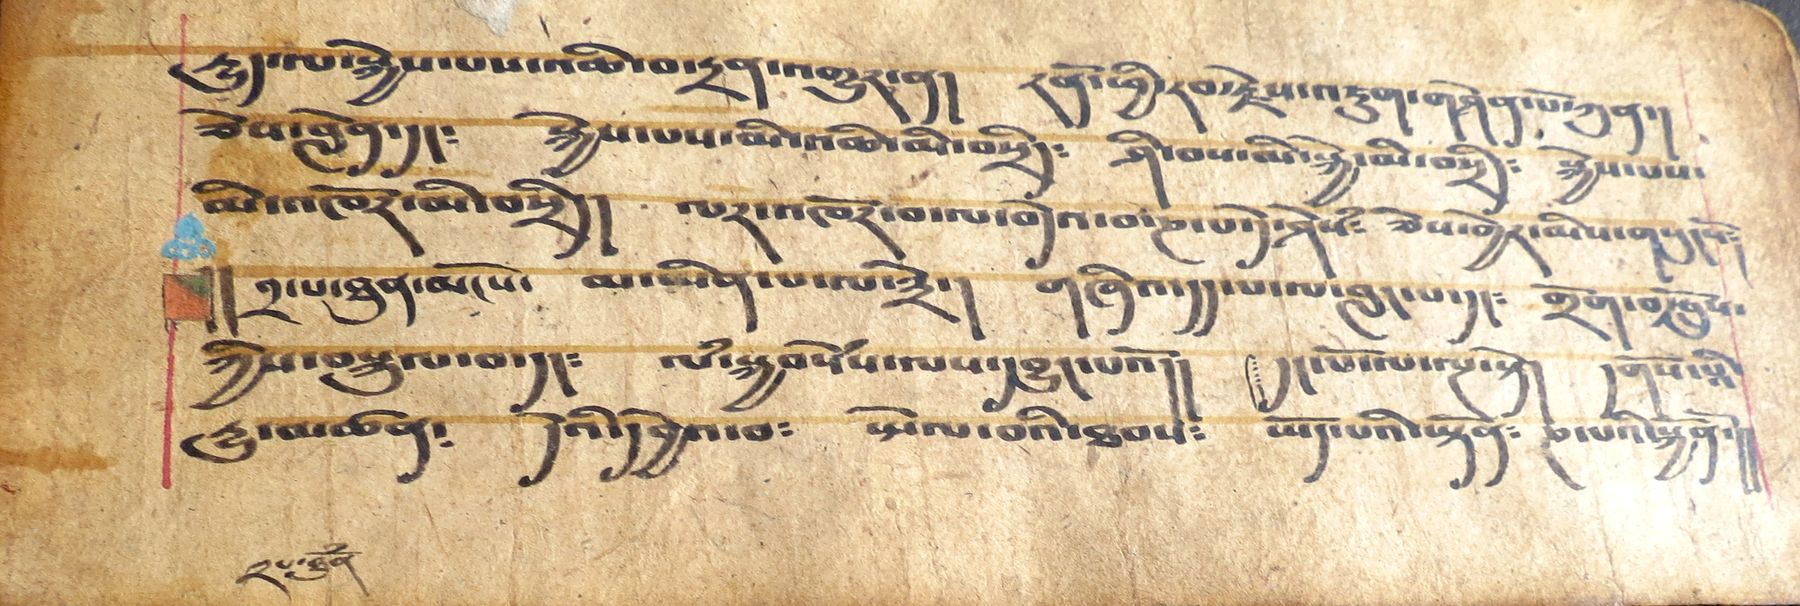རྒྱུད་ལ་སྐྱེས་ནས་འཆི་བ་དྲན་གྱུར་ན། རན་ནོ་ཕྱི་རབས་གཤེན་པོ་རྗེས་འཇུག་ཀུན། 
ཅེས་བླ་ཆེན་དང་། སྐྱེས་པས་མི་འཆི་མི་སྲིད། ཤི་བས་མི་སྐྱེ་མི་སྲིད། སྐྱེས་པས་
མི་འཁོར་མི་སྲིད། ལར་འཁོར་བ་ལ་བདེ་བ་མེད་པ་དེ་ཤེས་སམ། ཅེས་གྱེར་མིས་གསུངས་སོ། 
། གཉིས་པ་ཐུན་མོང་མ་ཡིན་པ་ལ་གསུམ་སྟེ། གཞི་དད་པ་ལ་བླང་བ་དང་། གྲོགས་བརྩོན་འགྲུས་
ཀྱིས་བསྐུལ་བ་དང་། ལམ་སྐྱབས་སེམས་ལ་བྱུང་བའོ། དང་པོ་༼གཞི་དད་པ་ལ་བླང་བ༽ལ་ལྔ་སྟེ། དགོས་པའི་
རྒྱུ་མཚན། དེའི་དབྱེ་བ། སྤེལ་བའི་ཐབས། ཡོད་པའི་ཡོན་ཏན། མེད་པའི་སྐྱོན་ནོ།